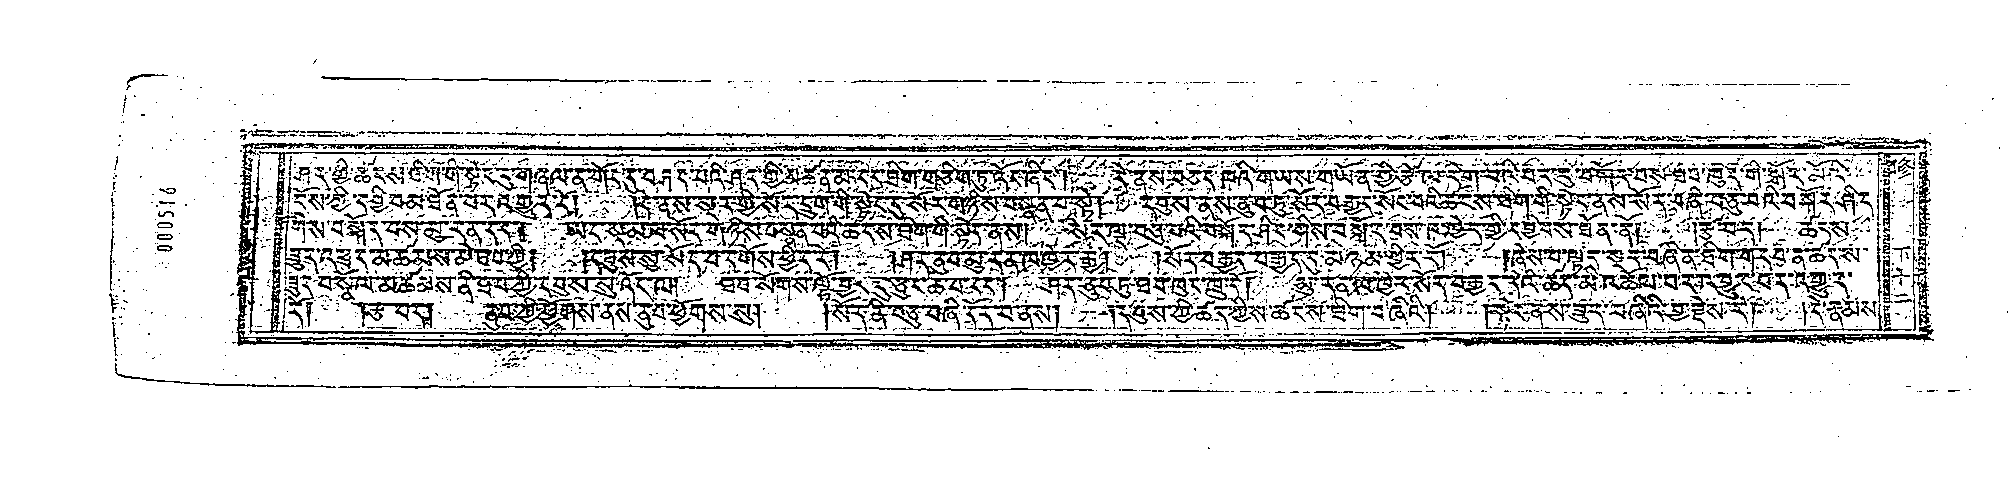ཤར་གྱི་ཚངས་ཐིག་གི་སྟེང་དུ་གཞལ་ན་གོང་དུ་བཤད་པའི་ཤར་གྱི་མཚན་མ་དང་ཐིག་གཅིག་ཏུ་འོང་ཞིང་། དེ་ནས་བཅད་ཁའི་གཡས་གཡོན་གྱི་རྩེ་ལ་རེག་པའི་བར་དུ་བསྐོར་བས་ཐབ་ཁུང་གི་སྒོར་མོའི་
ངོས་ཀྱི་དབྱིབ་མཐོན་པར་འགྱུར་རོ། །དེ་ནས་སྔར་གྱི་སོར་དྲུག་གི་སྟེང་དུ་སོར་གཉིས་བསྣན་པ་སྟེ། དབུས་ནས་ནུབ་ཏུ་སོར་བརྒྱད་སོང་བའི་ཚངས་ཐིག་གི་སྟེང་ནས་སོར་བཞི་བཅུ་པའི་བསྐོར་ཤིང་
གིས་བསྐོར་བས་མུ་རན་དང་། ཡང་སྔ་མ་ལ་སོར་གཉིས་བསྣན་པའི་ཚངས་ཐིག་གི་སྟེན་གནས། སོར་ལྔ་བཅུ་པའི་བསྐོར་ཤིང་གིས་བསྐོར་བས་ཁ་ཁྱེར་གྱི་དབྱིབས་ཐོན་ནོ། །རྩ་བར། ཚངས་
ཟུར་འཕྲད་མཚམས་མེ་ཐབ་ཀྱི། །དབུས་སུ་སོང་བ་དགོས་ཕྱིར་རོ། །ཤར་ནུབ་མུ་རན་ཁ་ཁྱེར་རྒྱ། །སོར་བརྒྱད་བརྒྱད་དུ་མཉམ་ཕྱིར་རོ། །ཞེས་པ་ལྟར་སྔར་བཞིན་ཐིག་གདབ་ན་ཚངས་
ཟུར་བ་སྣོལ་མཚམས་ནི་ཐབ་ཀྱི་དབུས་སུ་འོང་ལ། ཐབ་སོགས་ལྷོ་བྱང་དུ་ཅུང་ཆ་བ་དང་། ཤར་ནུབ་ཏུ་ཐབ་ཁུང་ཁྲུ་དེ། མུ་རན་ཁ་ཁྱེར་སོར་བརྒྱད་དེའི་ཚད་མི་འཆོལ་བར་འབྱུང་བར་འགྱུར་
རོ། །རྩ་བར། ནུབ་ཀྱི་ཕྱོགས་ནས་ནུབ་ཕྱོགས་སུ། །སོར་ནི་བཅུ་བཞི་དོར་བ་ནས། །དབུས་ཀྱི་ཚད་ཀྱིས་ཚངས་ཐིག་བཞིའི། །སྟེང་ནས་ཟུར་བཞིའི་བྱ་རྗེས་རེ། །དེ་རྣམས་